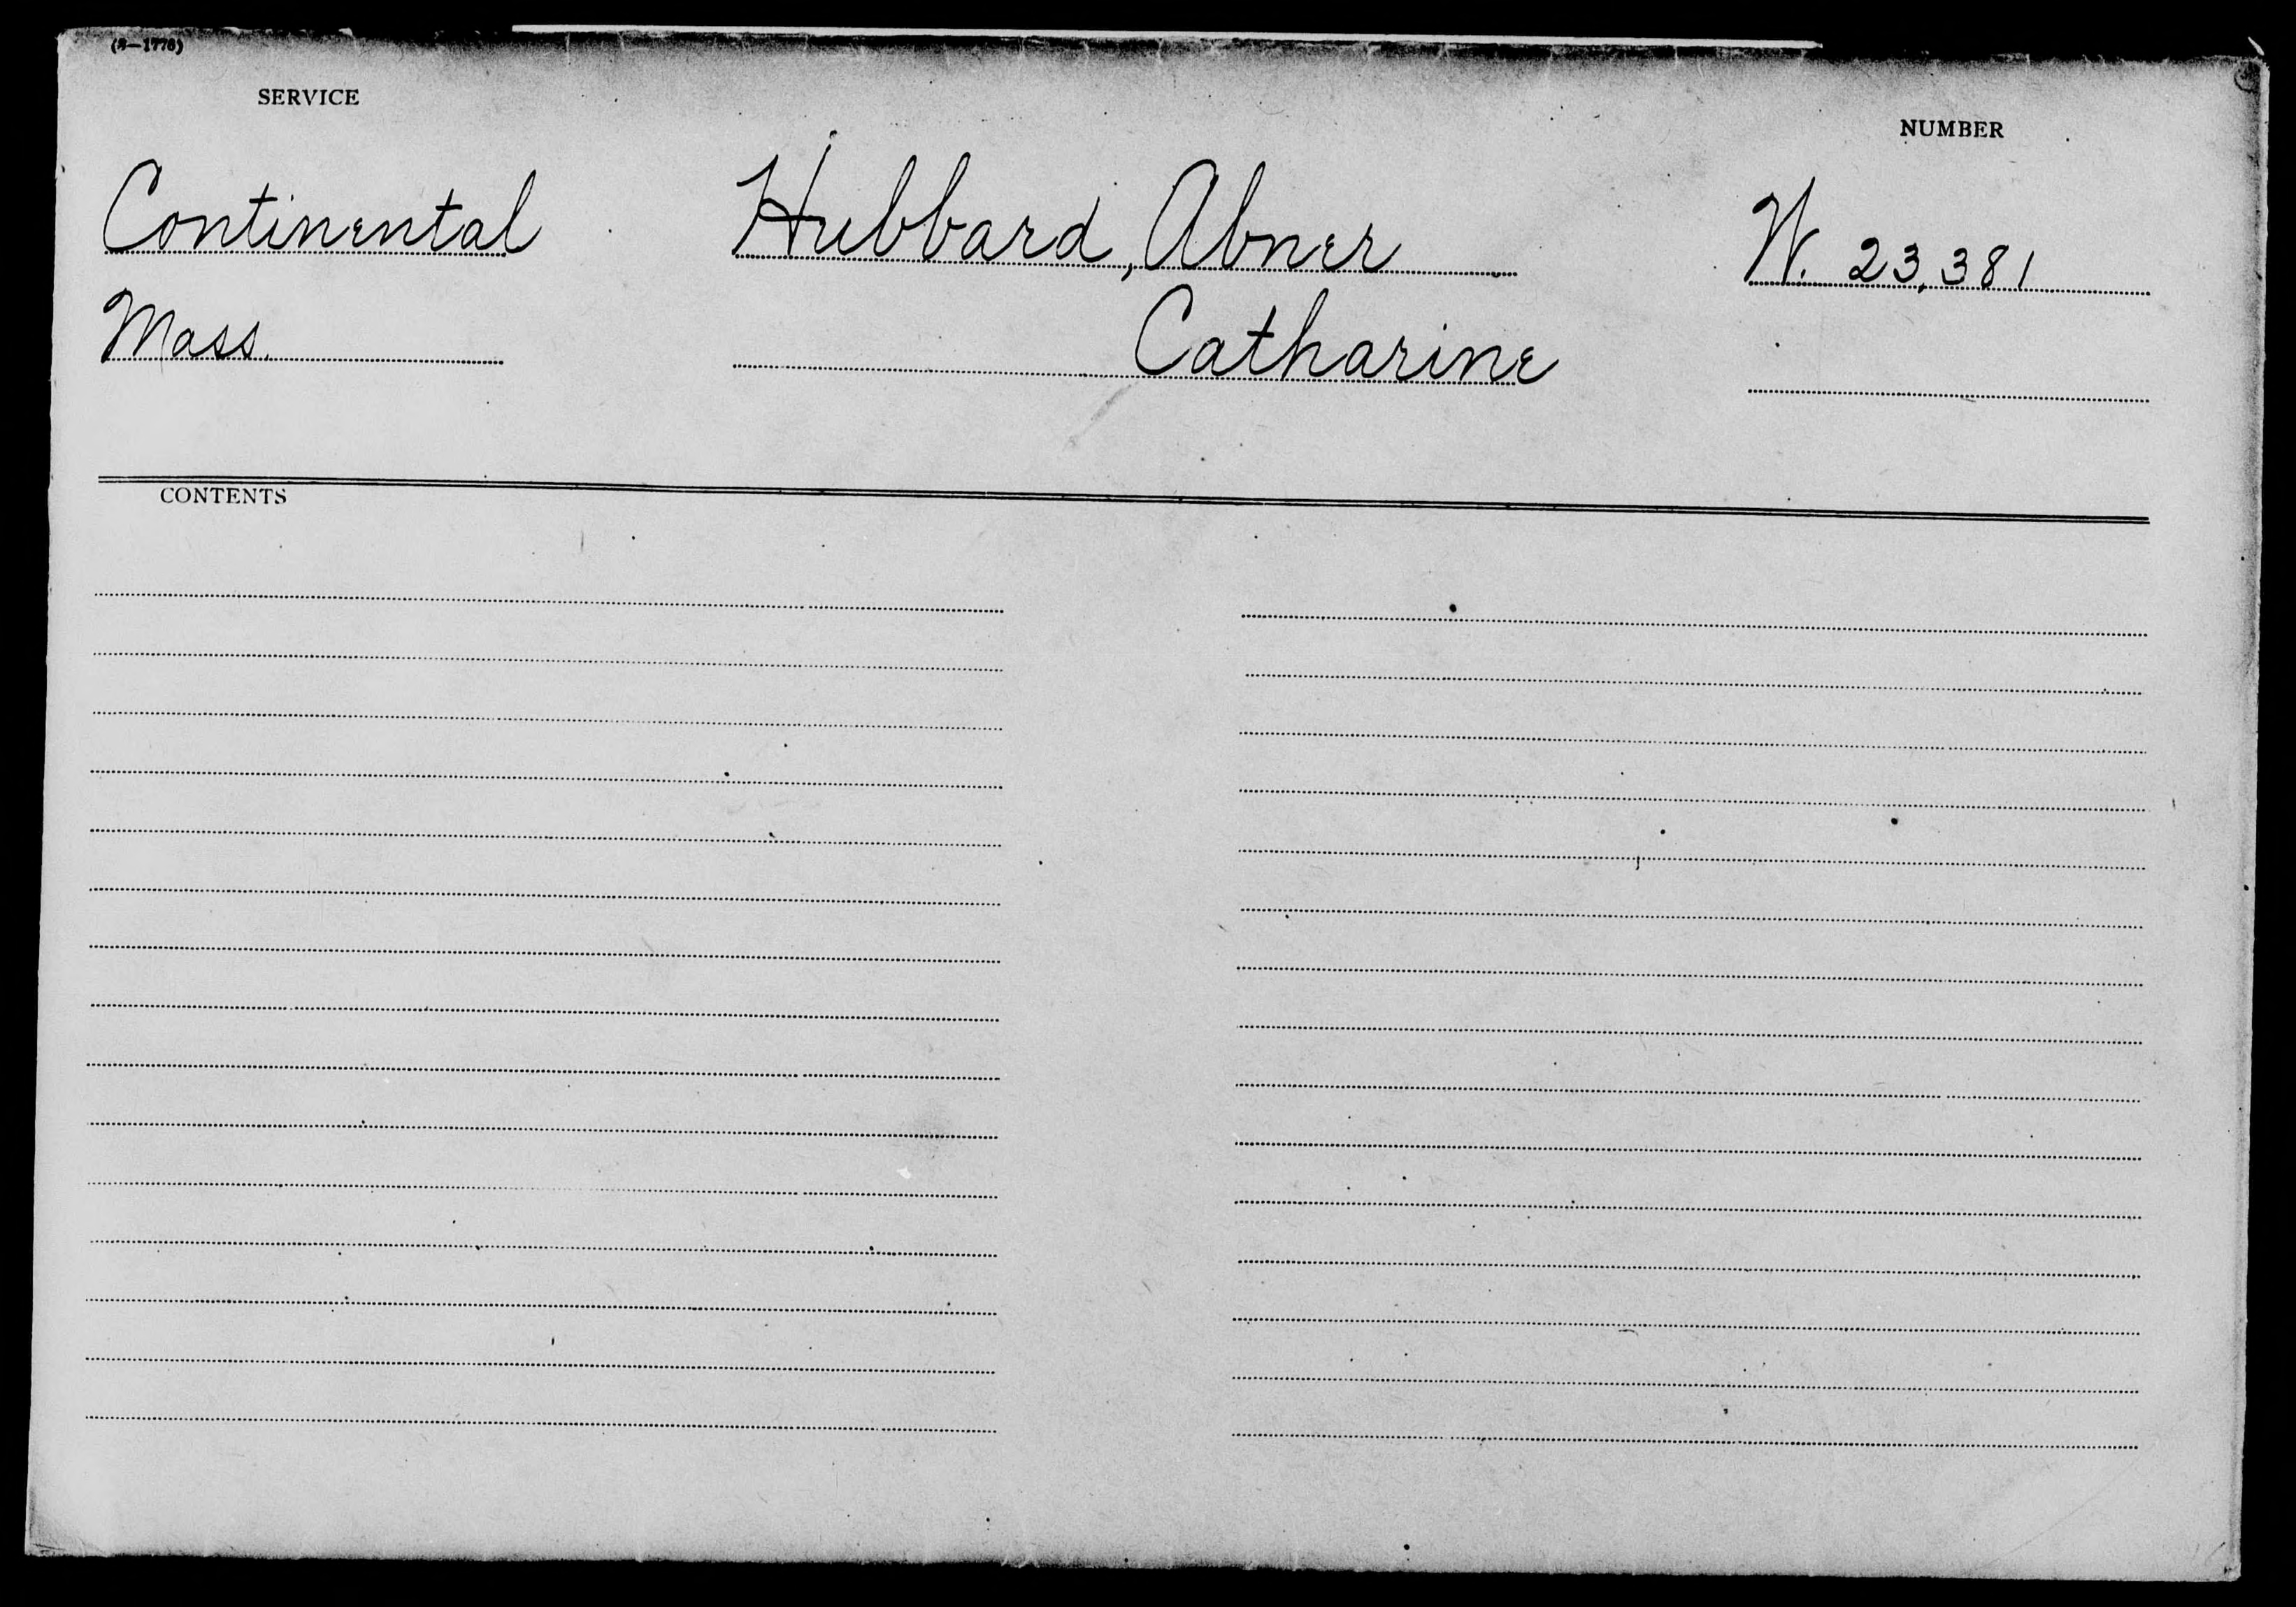Continental, Mass
Hubbard, Abner
W. 23, 381
Catharine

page: 1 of 38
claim: widow's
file: W. 23,381, Abner Hubbard, Continental Mass.